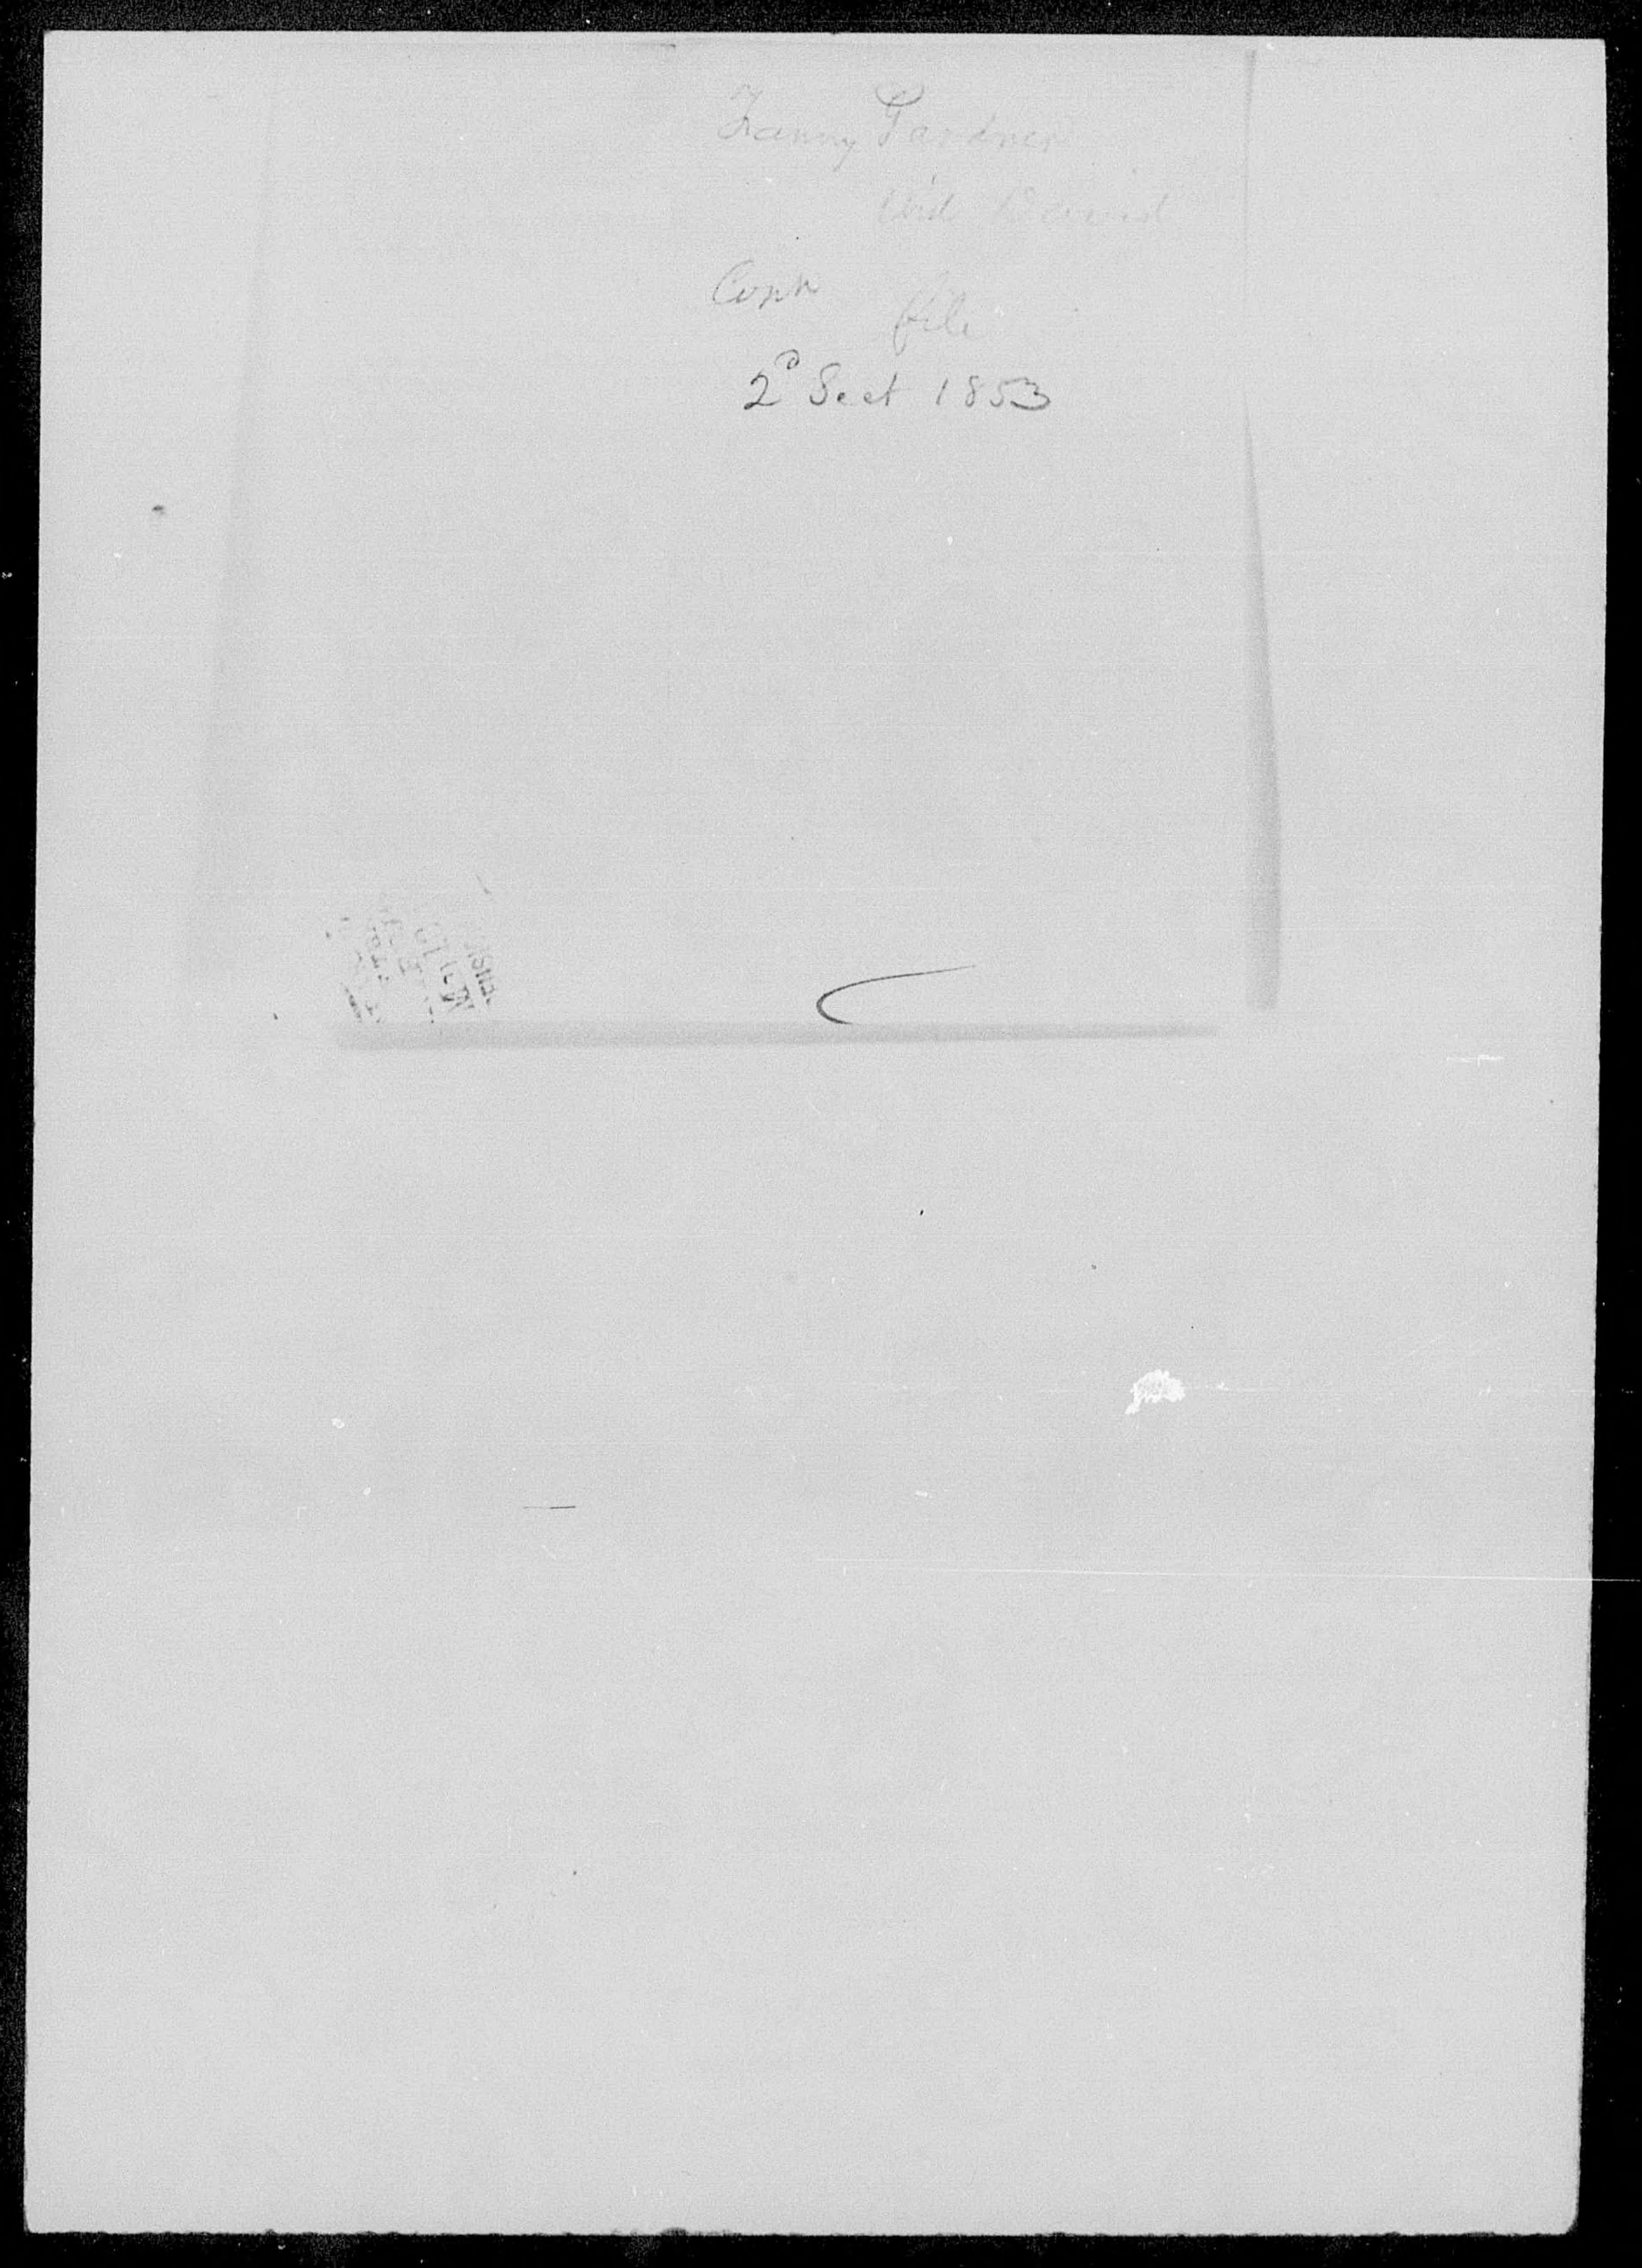Fanny Gardner
and David
Conn file
2nd Sect 1853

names: David Gardner, Fanny Gardner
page: 61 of 66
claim: widow's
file: W 1850, David Gardner, Conn.